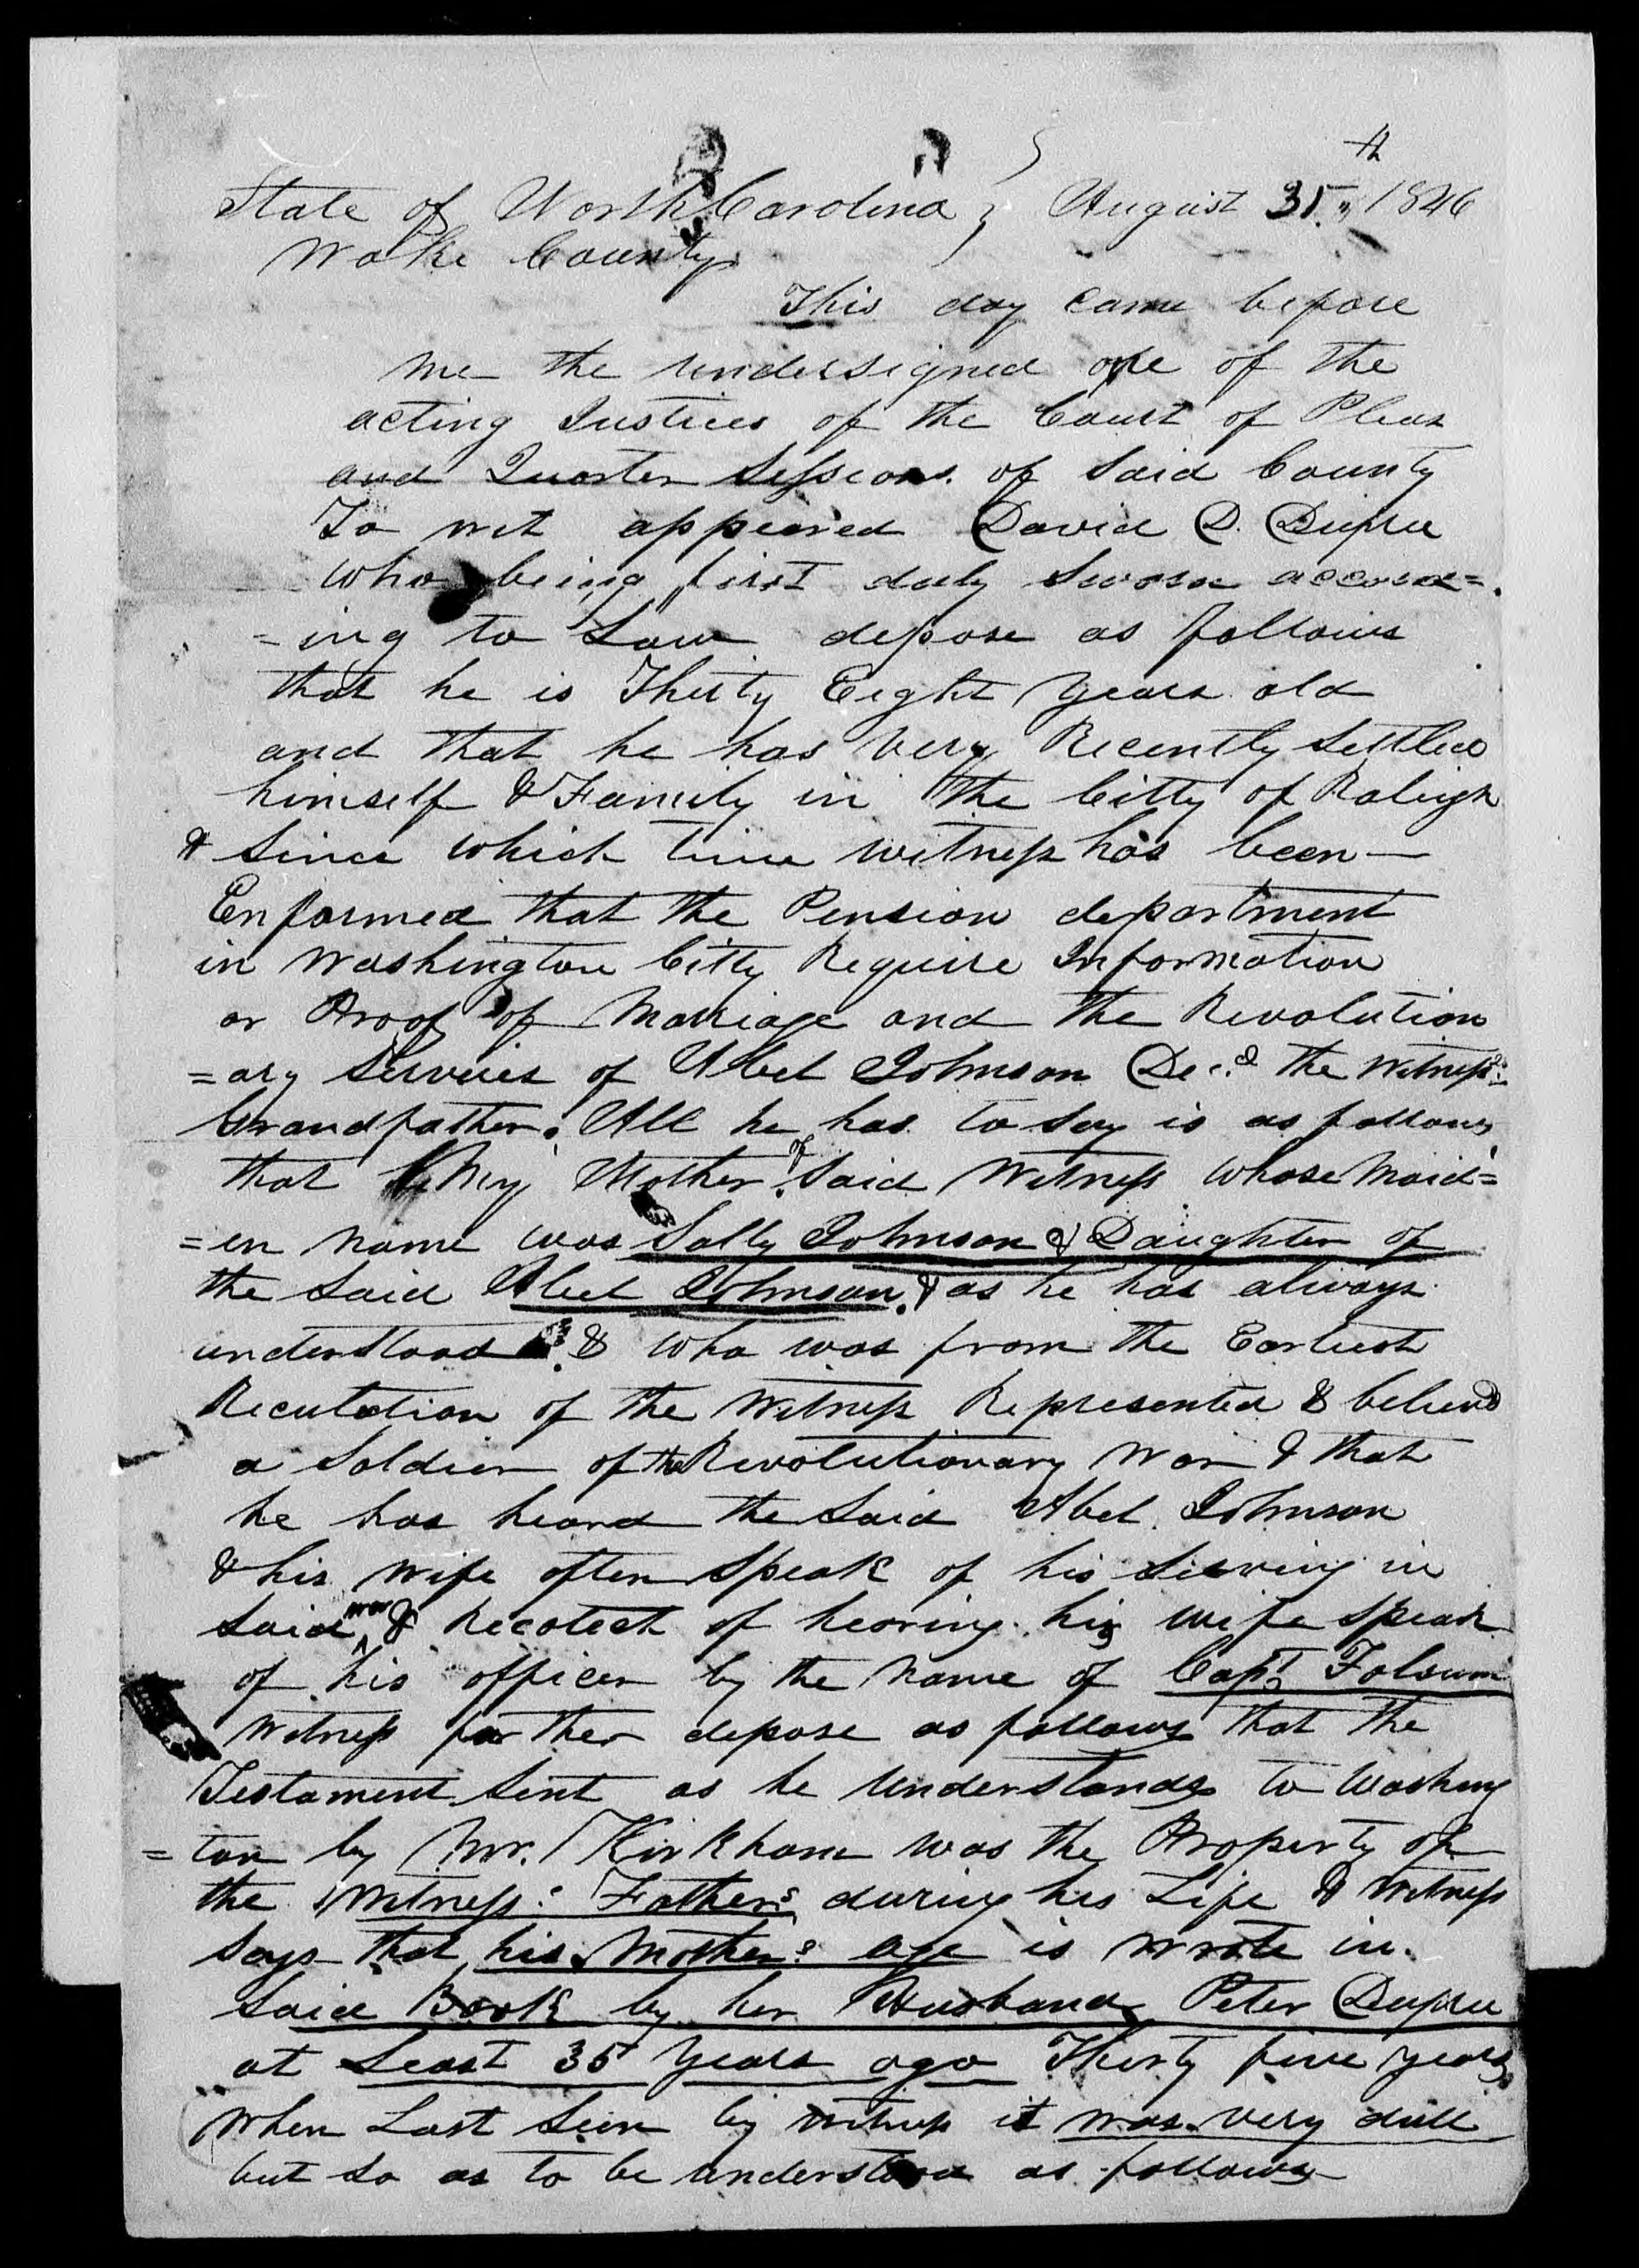State of North Carolina
Wake County}   August 31th 1846     This day came before me the undersigned one of the acting Justices of the Court of Pleas and Quarter Sessions of said County To wit appeared David D. Dupree who being first duly sworn according to law depose as follows that he is Thirty Eight years old and that he has very recently settled that himself and family in the City of Raleigh and Since which time witness has been Enformed that the Pension department in Washington City Require Information or proof of Marriage and the Revolutionary services of Abel Johnson Deceased   the Witnesses Grandfather.   All he has to say is as follows that my mother said Witness whose maiden name was Sally Johnson and Daughter of the said Abel Johnson and as he has always understood and who was from the Earliest Recollection of the Witness Represented and believed a Soldier of the Revolutionary War and that he has heard the said Abel Johnson and his wife often speak of his serving in said war I recollect of hearing his wife speak of his officer by the name of Capt. Folsom   Witness further depose as follows that the Testament sent as he understands to Washington by Mr. Kirkham was the property of the Witness Father’s during his Life and Witness says that his mother age is wrote in said Brook by her Husband Peter Dupree at least 35 years ago Thirty five years When Last Seen by witness it was very dull but so as to be understood as follows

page: 10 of 74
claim: rejected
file: R. 5600, for Abel Johnson, North Carolina